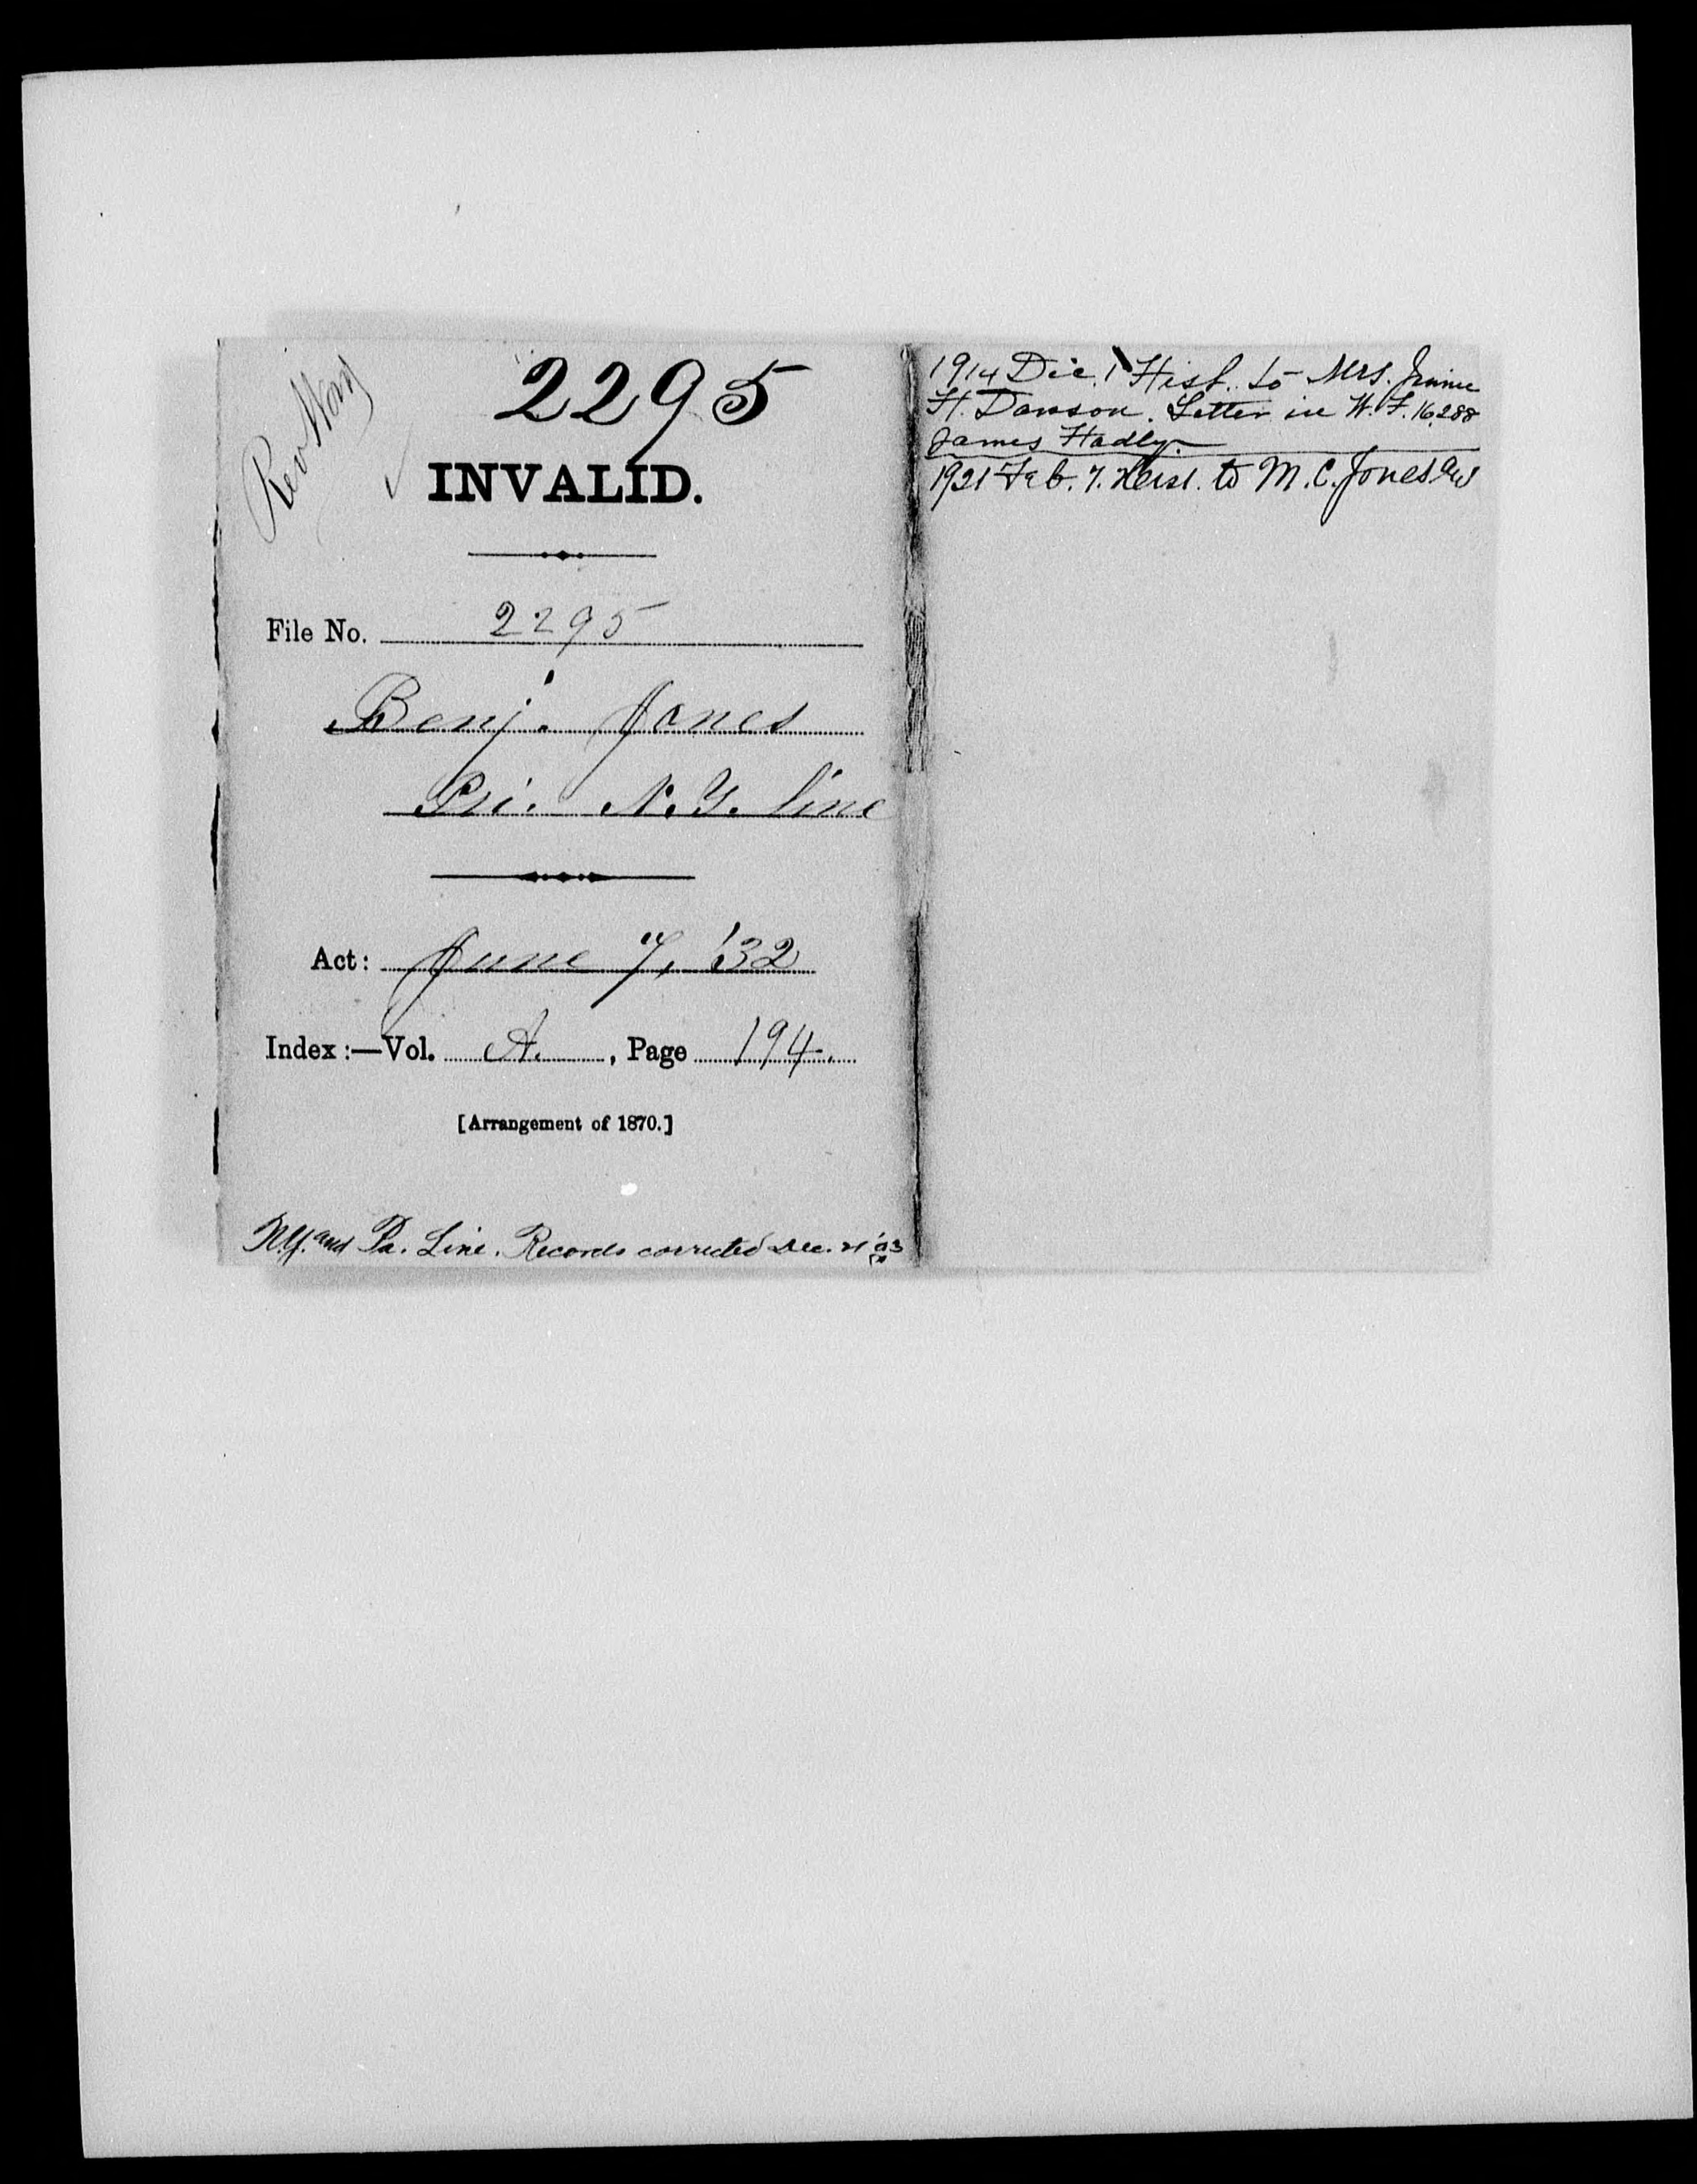2295
INVALID.

Rev War

File No. 2295
Benj Jones
Pri., N.Y. line

---
Act: June 7, '32
Index: - Vol. A., Page 194.
[Arrangement of 1870.]

NY and Pa. Line.  Records corrected Dec. 21, '03


1914 - Dec. 1 - Hist to Mrs. Janice H. Danson Letter in W.F. 16288
James Hadley
1921 - Feb. 7 - Hist. to M.C. Jones  cw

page: 10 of 10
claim: survivor's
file: S. 2295, for Benjamin Jones, New York